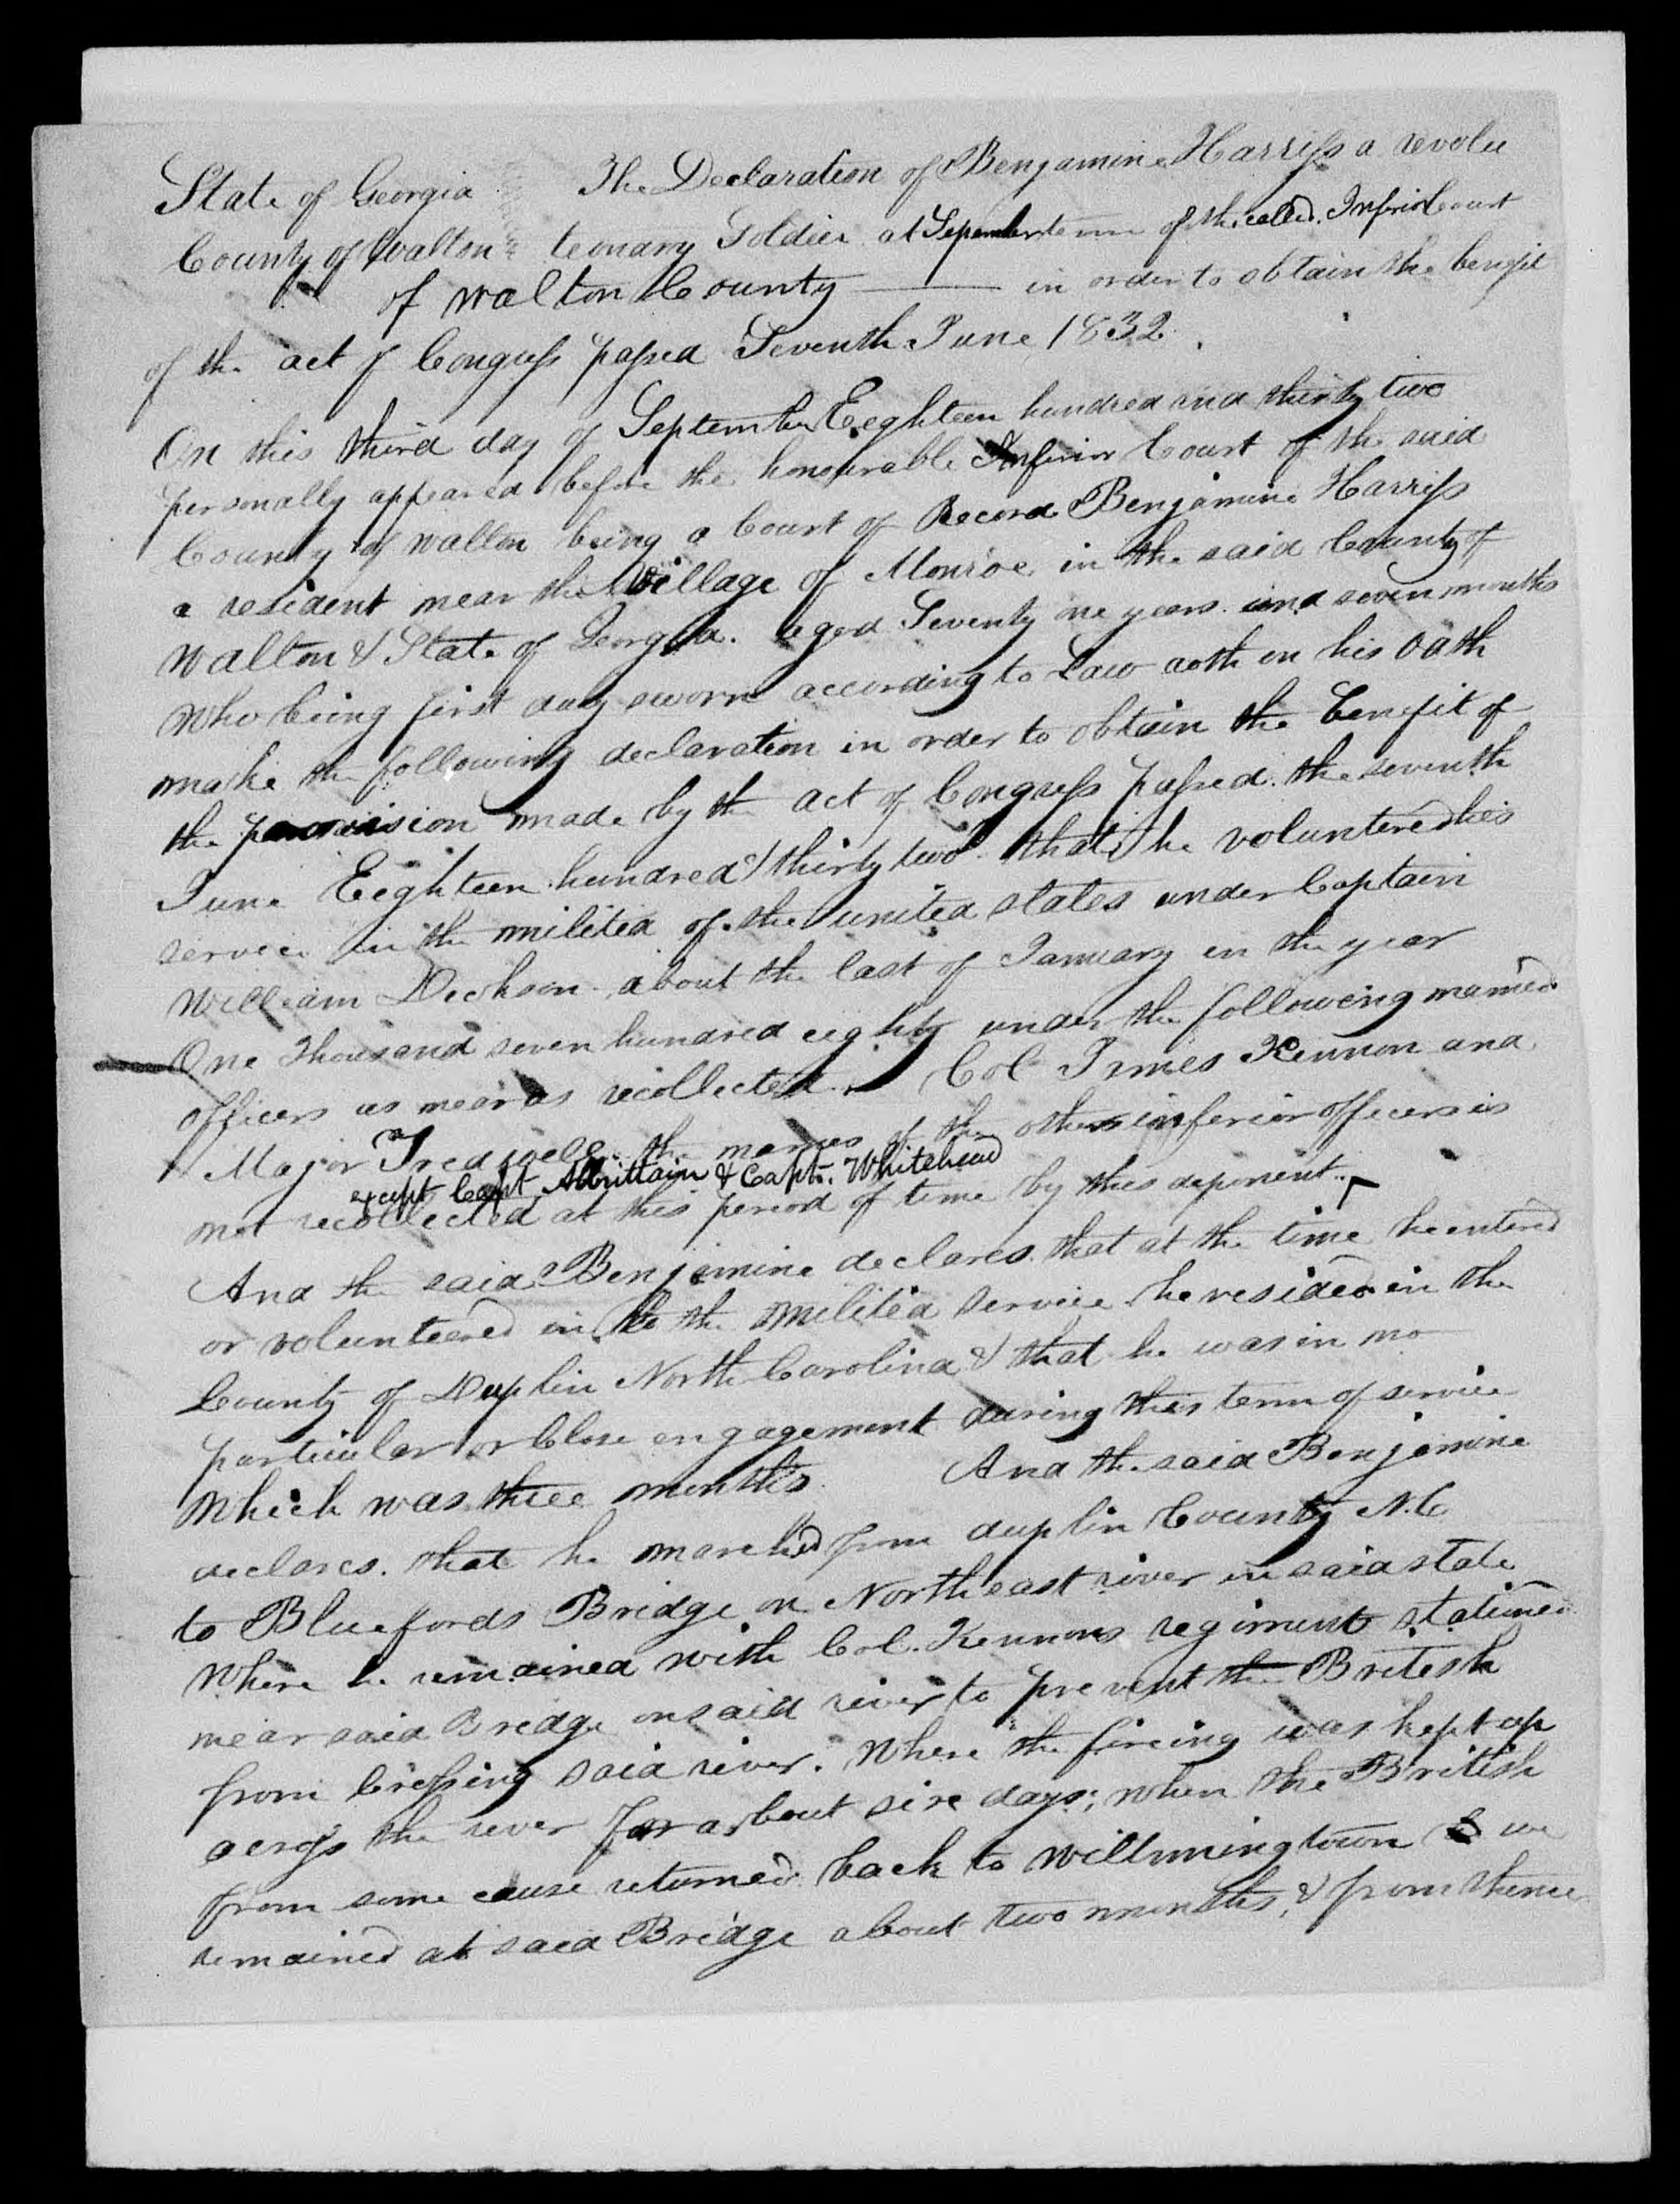State of Georgia County of Walton 
The Declaration of Benjamin Harriss a revolutionary soldier at Sepemberton of the called, Inferior Court of Walton County, in order to obtain the benefit of the act of Congress passed Seventh June 1832. 

On this third day of September Eighteen hundred and thirty two personally appeared the the honorable Inferior Court of the said County of Walton being a Court of Record Benjamin Harriss resident near the village of Monroe in the said County Walton & State of Georgia aged Seventy one years and seven months who being first duly sworn according to law doth on his oath make the following declaration in order to obtain the benefit of the provision made by the act of Congress passed the Seventh June Eighteen hundred thirty two

that he voluntered his service in the militia of the United States under Captain William Dickson about the last of January in the year One thousand seven hundred eighty under the following named officers as near as recollected Col James Kennon and officers and Hillafer Tocurell, the names of the other inferior offices is not recollected except Capt S. Brittain & Capt Whitelaw at his present time by the deponent. 

And the said Benjamin declares that at the time he entered or volunteered in to the militia service he resided in the County of Duplin North Carolina & that he was in no particular or close engagement during this term of service which was three months 
And the said Benjamin declares that he marched from Duplin County N.C. to Bluefords Bridge on  North east river in said state where he remained with Col. Kennon regiment stationed near said Bridge on said river to prevent the British from crossing said river. When the fireing was kept up across the river for about six days, when the British from some cause returned back to Williming town we remained at said Bridge about two months, & from thence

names: Benjamine Harriss, Benjamine Harriss, Whitehead, Albrittain, Benjamine, Fred Well, William Deckson, Benjamine, James Kennon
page: 30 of 62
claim: survivor's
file: S. 38816, Benjamin Harris, Mass.